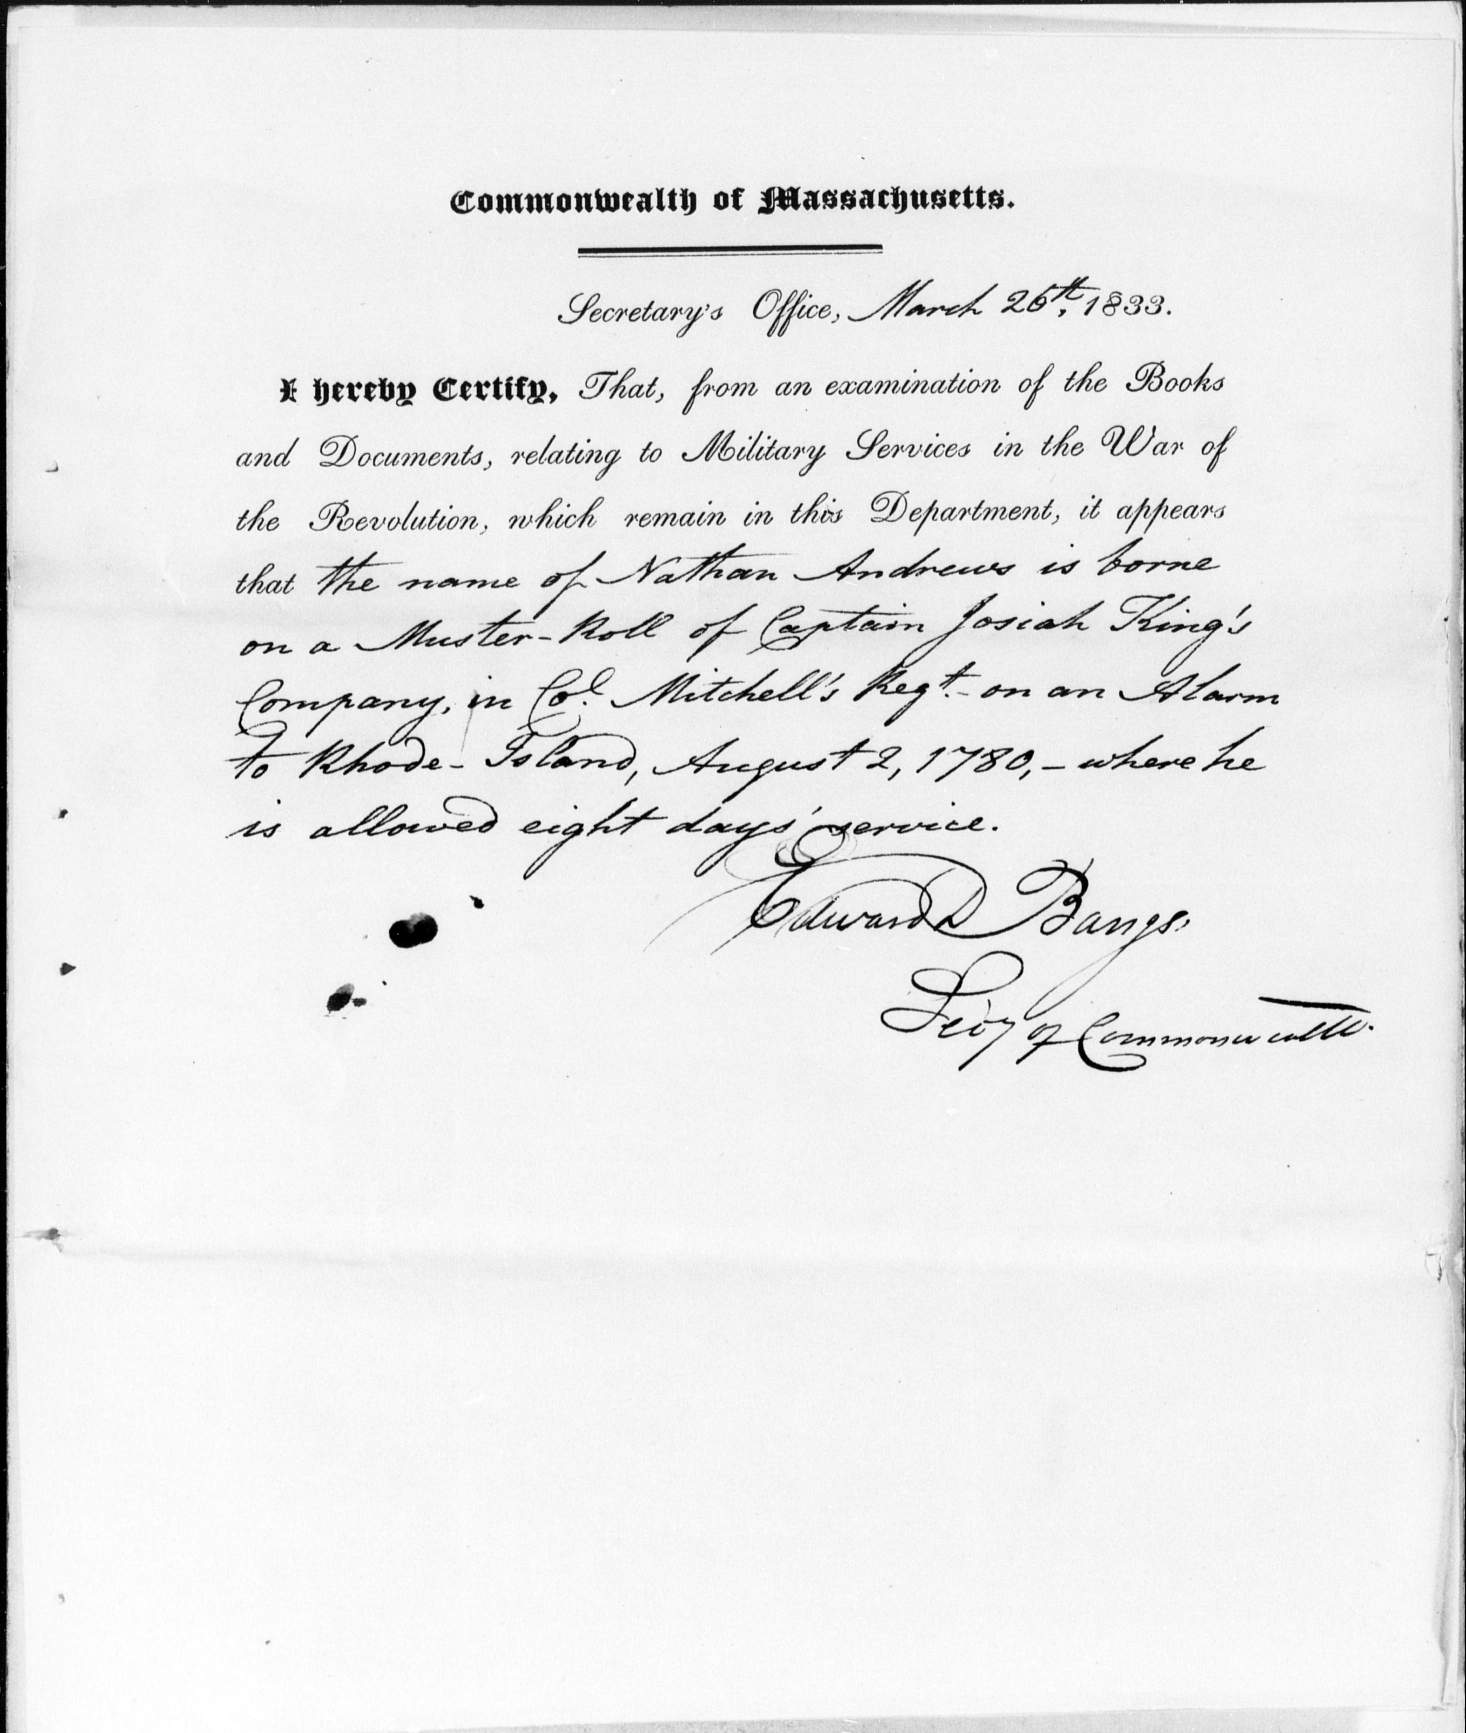Commonwealth of Massachusetts Secretary's Office, March 26th 1833. I hereby certify, that from an examination of the Books and Documents relating to Military Services in the War of the Revolution, which remain in this department, it appears that the name of Nathan Andrews is borne on a Muster Roll of Captain Josiah King's Company, in Col Mitchell's Regt on an Alarm to Rhode Island, August 2, 1780 - where he is allowed eight days service. Edward Bangs Secy of Commonwealth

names: Nathan Andrews, Edward D Bangs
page: 18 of 18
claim: survivor's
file: S. 29,590, Nathan Andrews, Mass R.I.